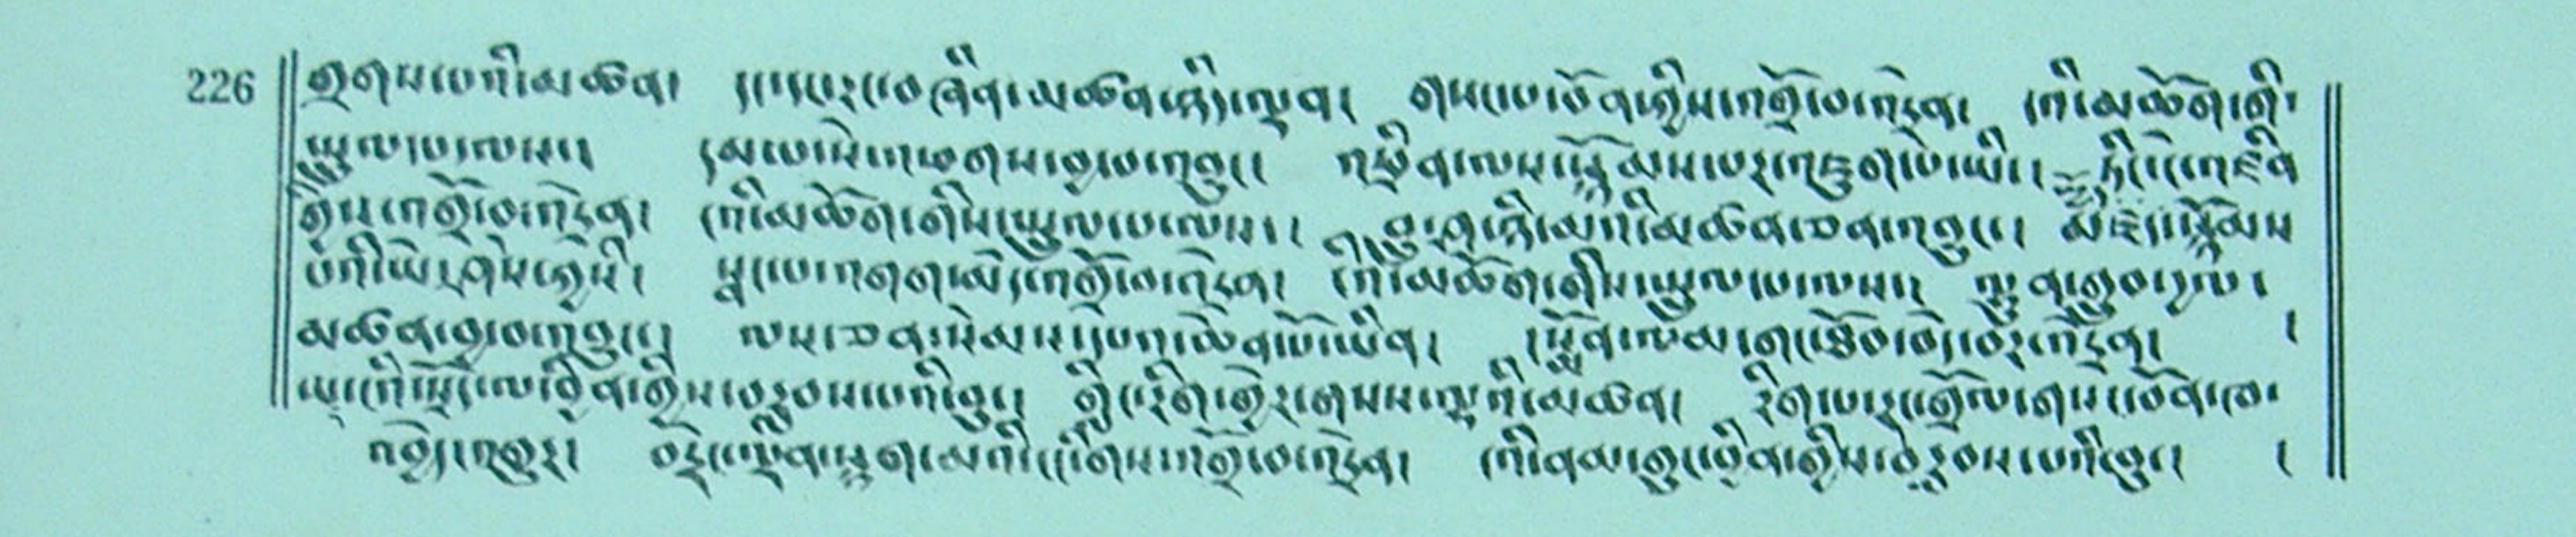༄༅། །གྲགས་པའི་མཚན། ངང་དང་རང་བཞིན་མཚན་ཉིད་ལྡན། གསང་བའི་བོན་གྱི་འགྲོ་བ་འདྲེན། ངའི་མཆོག་གི་
སྤྲུལ་པ་ལས། དམ་པ་སེ་འཕགས་བྱ་བ་འབྱུང་། འཕྲིན་ལས་སྙོམས་པར་འཇུག་པ་ཡི། ཏིང་ངེ་འཛིན་
གྱིས་འགྲོ་བ་འདྲེན། ང་ཡི་མཆོག་གི་སྤྲུལ་པ་ལས། བྲུ་ཤ་ཉི་མའི་མཚན་ཅན་འབྱུང་། མཛད་སྤྱོད་སྙོམས་
པའི་ཡེ་ཤེས་ཀྱིས། སྣང་བ་འགག་མེད་འགྲོ་བ་འདྲེན། ང་ཡི་མཆོག་གི་སྤྲུལ་པ་ལས། ལྷུན་གྲུབ་རྒྱལ་
མཚན་བྱ་བ་འབྱུང་། ལས་ཅན་སེམས་དཔའ་ཆེན་པོ་ཡིན། སྨོན་ལམ་གང་ཐོབ་བདེ་བར་འདྲེན། 
ཡང་ངའི་སྲོད་ལ་བྱིན་གྱིས་བརླབས་པའི་བུ། གླིང་རིགས་གྱེར་གསས་ལྷའི་མཚན། རིག་པ་རང་གྲོལ་གསང་བོན་ཁ་
འབྱེད་འགྱུར། རྡེངས་ལྡན་སྙག་མའི་ངང་གིས་འགྲོ་བ་འདྲེན། ང་ཡིས་ནམ་གུང་བྱིན་གྱིས་རླབས་པའི་བུ།